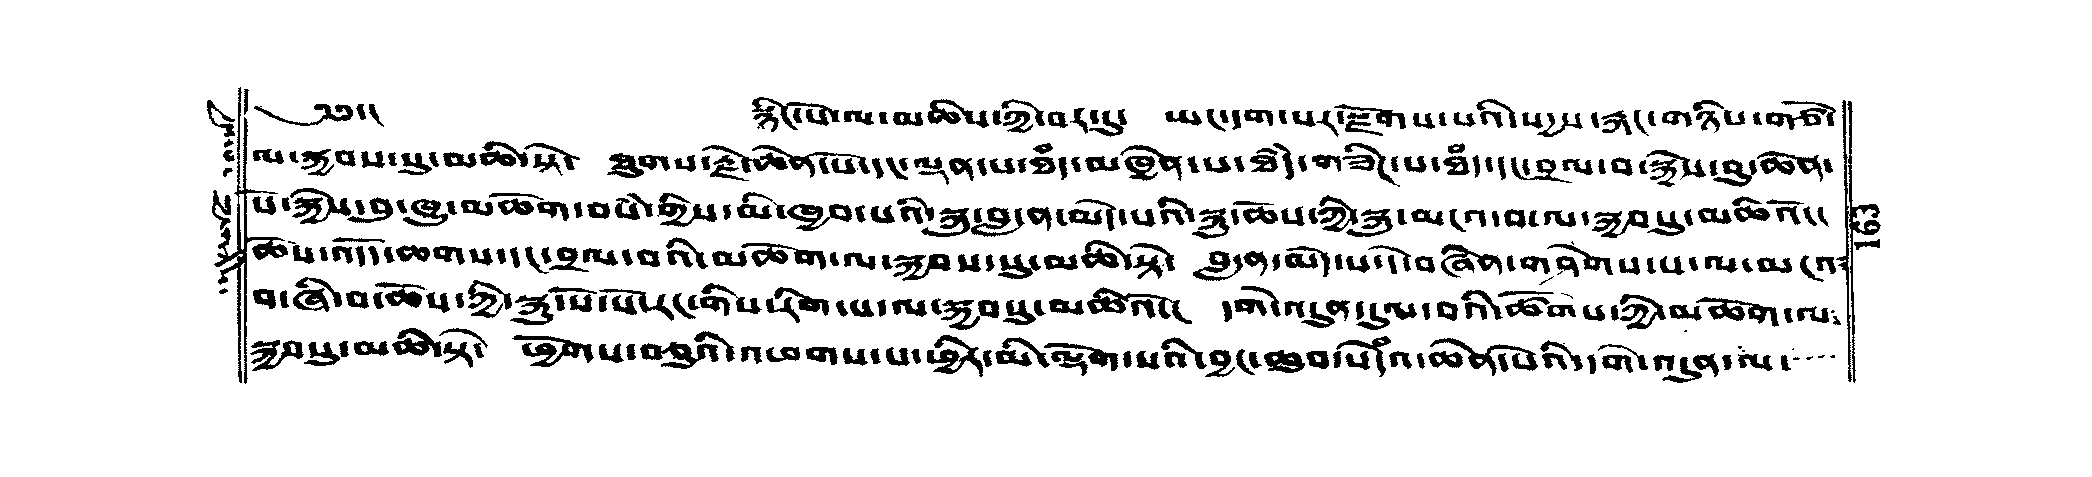སྙིང་པོ་ལ་མཆིས་ཀྱི་བར་དུ། ཡང་དག་པར་རྫོགས་པའི་སངས་རྒྱས་རྐང་གཉིས་གཙོ་
ལ་སྐྱབས་སུ་མཆི་སྟེ། ཐུགས་རྗེ་ཆེན་པོ་དང་ལྡན་པ་ཐམས་ཅད་མཁྱེན་པ་ཐམས་ཅད་གཟིགས་པ་ཐམས་ཅད་དང་བྲལ་བ་སྐྱེས་བུ་ཆེན་
པོ་སྐྱེས་བུ་ཁྱུ་མཆོག་བསམ་གྱིས་མི་ཁྱབ་པའི་སྐུ་བླ་ན་མེད་པའི་སྐུ་ཆོས་ཀྱི་སྐུ་མངའ་བ་ལ་སྐྱབས་སུ་མཆིའོ། 
ཆོས་འདོད་ཆགས་དང་བྲལ་བའི་མཆོག་ལ་སྐྱབས་སུ་མཆི་སྟེ། བླ་ན་མེད་པ་དེ་བཞིན་གཤེགས་པ་ལ་མངའ་
བ་ཞི་བ་ཆོས་ཀྱི་སྐུ་སོ་སོ་རང་གིས་རིག་པ་ལ་སྐྱབས་སུ་མཆིའོ། དགེ་འདུན་དུལ་བའི་ཚོགས་ཀྱི་མཆོག་ལ
སྐྱབས་སུ་མཆིའོ། ། ཕྱོགས་བཅུའི་འཕགས་པ་ཕྱིར་མི་ལྡོག་པའི་བྱང་ཆུབ་སེམས་དཔའ་ཆེན་པོའི་དགེ་འདུན་ལ་